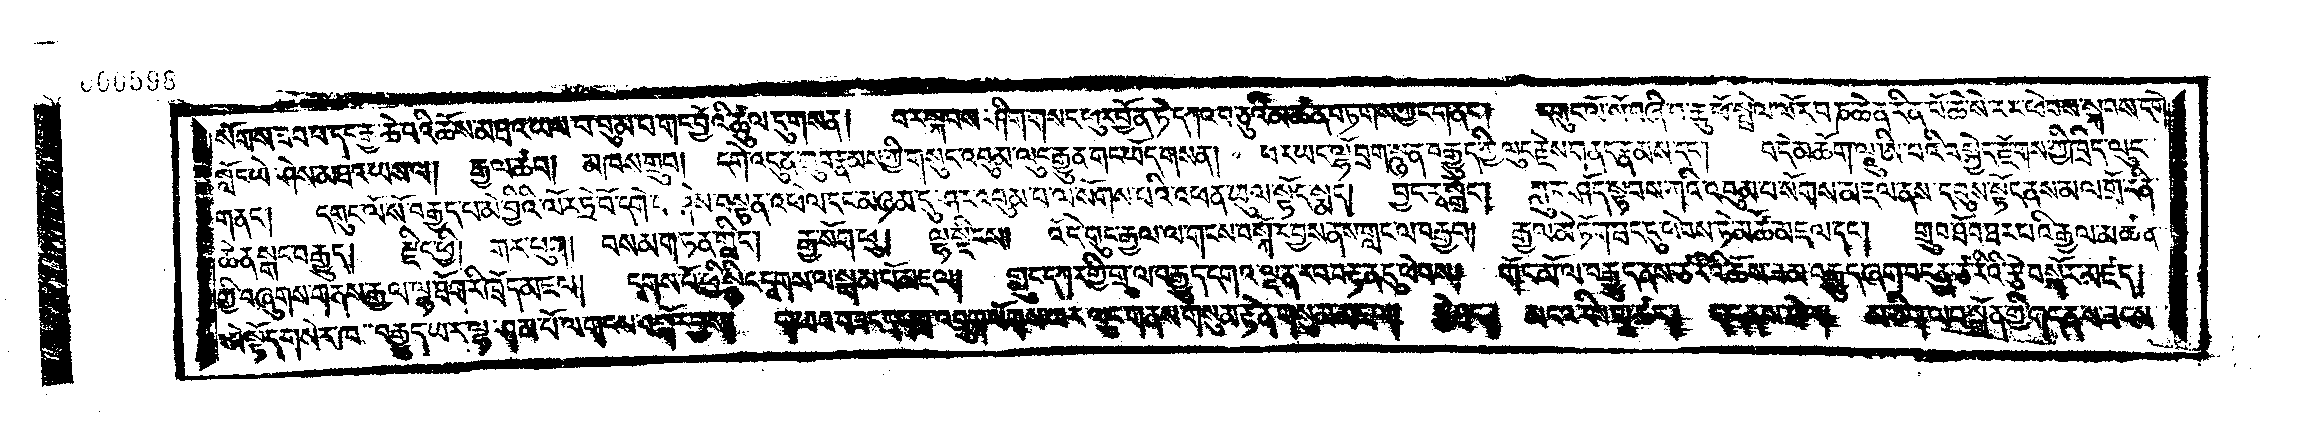སོགས་ཟབ་པ་དང་རྒྱ་ཆེ་བའི་ཆོས་མཐའ་ཡས་པ་བུམ་པ་གང་བྱོའི་ཚུལ་དུ་གསན། བར་སྐབས་ཤིག་གསང་ཕུར་བྱོན་ཏེ་དཀའ་བཅུའི་མཚན་བཏགས་ཀྱང་གནང་། དགུང་ལོ་སོ་བཞི་བ་ཆུ་ཕོ་སྤྲེལ་ལོར་པཎ་ཆེན་རིན་པོ་ཆེ་སེ་རར་ཕེབས་སྐབས་དགེ་
སློང་ཡེ་ཤེས་མཐའ་ཡས་ལ། རྒྱལ་ཚབ། མཁས་གྲུབ། དགེ་འདུན་གྲུབ་རྣམས་ཀྱི་གསུང་འབུམ་ལུང་རྒྱུན་གང་ཡོད་གསན། ཕར་ཡང་ལྷོ་བྲག་སྙན་བརྒྱུད་ཀྱི་ལུང་རྗེས་གནང་རྣམས་དང་། བདེ་མཆོག་ལཱུ་ཨི་པའི་བསྐྱེད་རྫོགས་ཀྱི་ཁྲིད་ལུང་
གནང་། དགུང་ལོ་སོ་བརྒྱད་པ་མེ་བྱིའི་ལོར་ཏྲེ་བོ་དགེ་བཤེས་བསྟན་འཕེལ་དང་མཉམ་དུ་ཤར་འབུམ་པ་ལ་སོགས་བའི་འཕན་ཡུལ་སྟོད་སྨད། བྱང་རྭ་སྒྲེང་། ཀླུང་ཤོད་སྟབས་ཀའི་འབུམ་པ་སོགས་མཇལ་ནས་དབུས་སྟོད་ནས་མལ་གྲོ་རིན་
ཆེན་སྒང་བརྒྱུད། རྫིང་ཕྱི། གར་ཕུག། བསམ་གཏན་གླིང་། རྒྱ་སོག་ཕུ། ལྷ་སྡིངས། འོ་དེ་གུང་རྒྱལ་ལ་གངས་བསྐོར་བྱས་ནས་གླང་ལ་བརྒྱབ། རྒྱལ་མེ་ཏོག་ཐང་དུ་ཕེབས་ཏེ་མཚོ་མཇལ་དང་། གྲུབ་ཐོབ་ཐར་པའི་རྒྱལ་མཚན་
གྱི་གཞུགས་གནས་རྒྱལ་ལྷ་ཐོག་རི་ཁྲོད་མཇལ། དྭགས་པོ་ཕྱི་སྙིང་དྭགས་ལ་སྒམ་པོ་མཇལ། ཀླུང་དཀར་གྱི་གྲུལ་བརྒྱུད་དགའ་ལྡན་རབ་བརྟན་དུ་ཕེབས། གོང་མོ་ལ་བརྒྱུད་ནས་ཙ་རིའི་ཆོས་ཟམ་བརྒྱུད་ཞག་བདུན་ཙ་རིའི་རྩེ་བསྐོར་མཛད།
ཨེ་སྟོད་གསེར་ཁ?་བརྒྱུད་ཡར་ལྷ་ཤམ་པོ་ལ་གངས་བསྐོར་བྱས། གཡའ་བཟང་དང་ཁྲ་འབྲུག་སོགས་ཡར་ལུང་གནས་གསུམ་རྟེན་གསུམ་མཇལ། རྩེ་ཐང་། མངའ་རིས་གྲྭ་ཚང་། གདན་ས་ཐེལ། མ་ཅིག་ལབ་སྒྲོན་གྱི་གདན་ས་ཟངས་